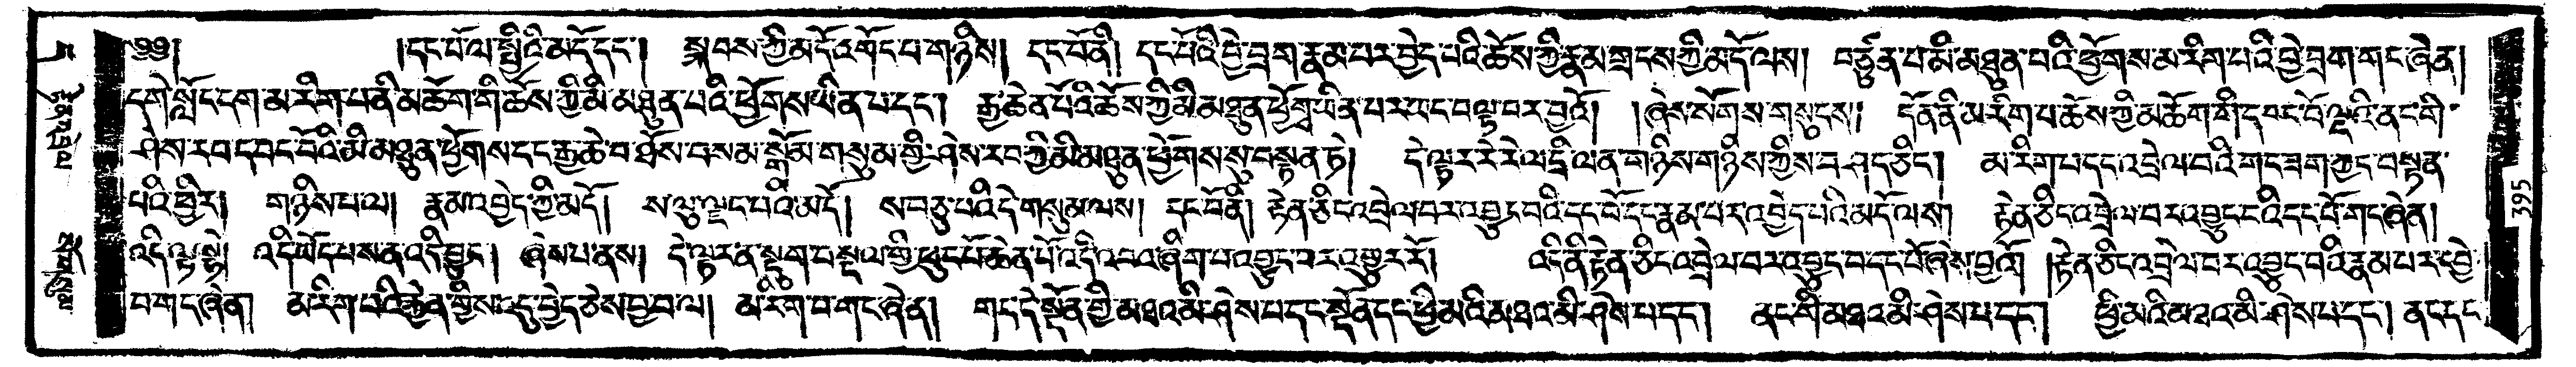༄༅། །དང་པོ་ལ་སྤྱིའི་མདོ་དང་། སྐབས་ཀྱི་མདོ་འགོད་པ་གཉིས། དང་པོ་ནི། དང་པོའི་བྱེ་བྲག་རྣམ་པར་བྱེད་པའི་ཆོས་ཀྱི་རྣམ་གྲངས་ཀྱི་མདོ་ལས། བཙུན་པ་མི་མཐུན་པའི་ཕྱོགས་མ་རིག་པའི་བྱེ་བྲག་གང་ཞེ་ན།
དགེ་སློང་དག་མ་རིག་པ་ནི་མཆོག་གི་ཆོས་ཀྱི་མི་མཐུན་པའི་ཕྱོགས་ཡིན་པ་དང་། རྒྱ་ཆེན་པོའི་ཆོས་ཀྱི་མི་མཐུན་ཕྱོགས་ཡིན་པར་ཡང་བལྟ་བར་བྱའོ། །ཞེས་སོགས་གསུངས། དོན་ནི་མ་རིག་པ་ཆོས་ཀྱི་མཆོག་གི་དབང་པོ་ལྔའི་ནང་གི་
ཤེས་རབ་དབང་པོའི་མི་མཐུན་ཕྱོགས་དང་རྒྱ་ཆེ་བ་ཐོས་བསམ་སྒོམ་གསུམ་གྱི་ཤེས་རབ་ཀྱི་མི་མཐུན་ཕྱོགས་སུ་བསྟན་ཏེ། དེ་ལྟར་རེ་རེ་ལ་དྲི་ལན་གཉིས་གཉིས་ཀྱིས་བཤད་ཅིང་། མ་རིག་པ་དང་འབྲེལ་བའི་གང་ཟག་ཀྱང་བསྟན་
པའི་ཕྱིར། གཉིས་པ་ལ། རྣམ་འབྱེད་ཀྱི་མདོ། ས་ལུ་ལྗང་པའི་མདོ། ས་བཅུ་པའི་དེ་གསུམ་ལས། དང་པོ་ནི། རྟེན་ཅིང་འབྲེལ་བར་འབྱུང་བའི་དང་པོ་དང་རྣམ་པར་འབྱེད་པའི་མདོ་ལས། རྟེན་ཅིང་འབྲེལ་བར་འབྱུང་ངའི་དང་པོ་གང་ཞེ་ན།
འདི་ལྟ་སྟེ། འདི་ཡོད་པས་ན་འདི་བྱུང་། ཞེས་པ་ནས། དེ་ལྟར་ན་སྡུག་བསྔལ་གྱི་ཕུང་པོ་ཆེན་པོ་འདི་འབའ་ཞིག་པ་འབྱུང་བར་འགྱུར་རོ། འདི་ནི་རྟེན་ཅིང་འབྲེལ་བར་འབྱུང་བ་དང་པོ་ཞེས་བྱའོ། །རྟེན་ཅིང་འབྲེལ་བར་འབྱུང་བའི་རྣམ་པར་དབྱེ་
བ་གང་ཞེ་ན། མ་རིག་པའི་རྐྱེན་གྱིས་འདུ་བྱེད་ཅེས་བྱ་བ་ལ། མ་རིག་པ་གང་ཞེ་ན། གང་དེ་སྔོན་གྱི་མཐའ་མི་ཤེས་པ་དང་སྔོན་དང་ཕྱི་མའི་མཐའ་མི་ཤེས་པ་དང་། ནང་གི་མཐའ་མི་ཤེས་པ་དང་། ཕྱི་མའི་མཐའ་མི་ཤེས་པ་དང་། ནང་དང་